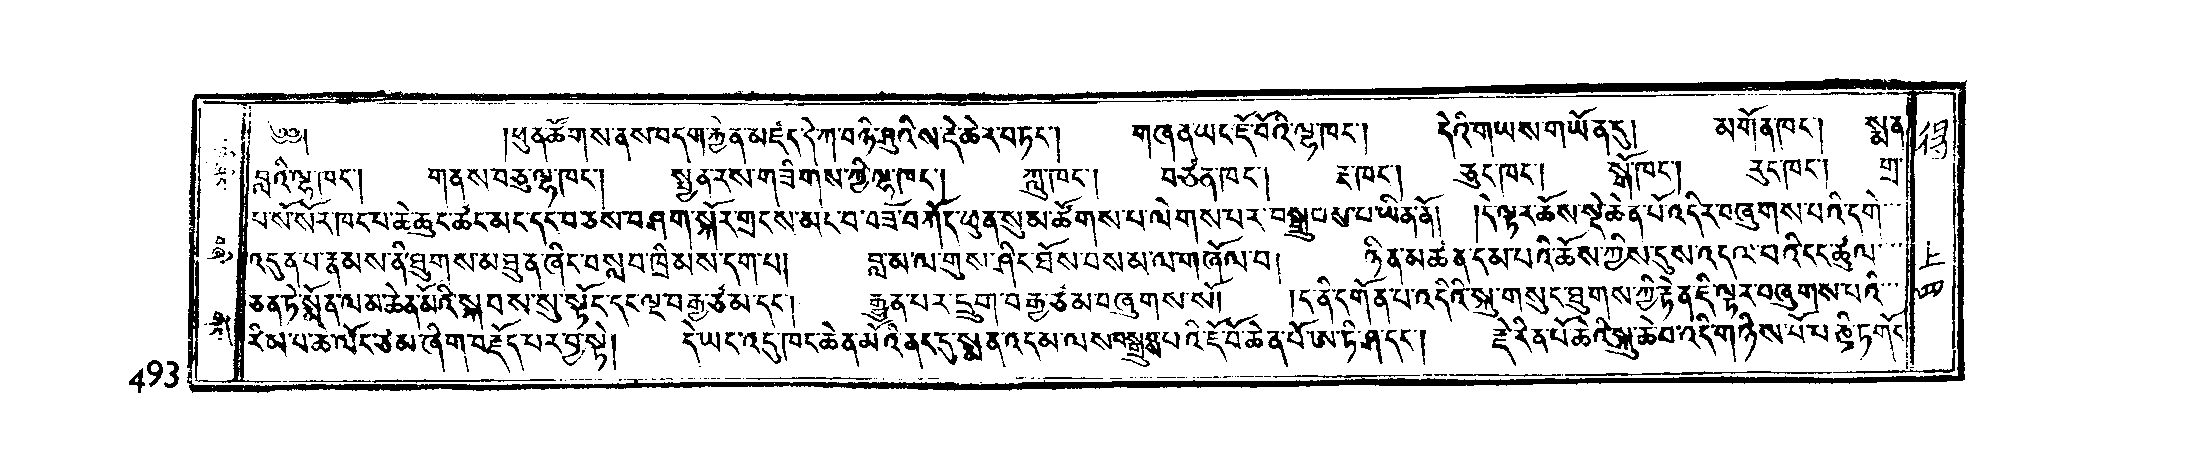༄༅། །ཕུན་ཚོགས་ནས་བདག་རྐྱེན་མཛད་དེ་ཀ་བ་ཉི་ཤུའི་ས་རྡེ་ཆེར་བཏང་། གཞན་ཡང་ཇོ་བོའི་ལྷ་ཁང་། དེའི་གཡས་གཡོན་དུ། མགོན་ཁང་། སྨན་
བླའི་ལྷ་ཁང་། གནས་བཅུ་ལྷ་ཁང་། སྤྱན་རས་གཟིགས་ཀྱི་ལྷ་ཁང་། ཀླུ་ཁང་། བཙན་ཁང་། རྔ་ཁང་། ཅུང་ཁང་། སྒོ་ཁང་། རུང་ཁང་། གྲ་
པ་སོ་སོར་ཁང་པ་ཆེ་ཆུང་ཚང་མང་དང་བཅས་བཤག་སྐོར་གྲངས་མང་བ་བཟོ་བཀོད་ཕུན་སུམ་ཚོགས་པ་ལེགས་པར་བསྒྲུབས་པ་ཡིན་ནོ། །དེ་ལྟར་ཆོས་སྡེ་ཆེན་པོ་འདིར་བཞུགས་པའི་དགེ་
འདུན་པ་རྣམས་ནི་ཐུགས་མཐུན་ཞིང་བསླབ་ཁྲིམས་དག་པ། བླ་མ་ལ་གུས་ཤིང་ཐོས་བསམ་ལ་གཞོལ་བ། ཉིན་མཚན་དམ་པའི་ཆོས་ཀྱིས་དུས་འདའ་བའི་ངང་ཚུལ་
ཅན་ཏེ་སྨོན་ལམ་ཆེན་མོའི་སྐབས་སུ་སྟོང་དང་ལྔ་བརྒྱ་ཙམ་དང་། རྒྱུན་པར་དྲུག་བརྒྱ་ཙམ་བཞུགས་སོ། །ད་ནི་དགོན་པ་འདིའི་སྐུ་གསུང་ཐུགས་ཀྱི་རྟེན་ཇི་ལྟར་བཞུགས་པའི་
རིམ་པ་ཆེ་ལོང་ཙམ་ཞིག་བརྗོད་པར་བྱ་སྟེ། དེ་ཡང་འདུ་ཁང་ཆེན་མོའི་ནང་དུ་སྨན་འདམ་ལས་བསྒྲུབས་པའི་ཇོ་བོ་ཆེན་པོ་ཨ་ཏི་ཤ་དང་། རྗེ་རིན་པོ་ཆེའི་སྐུ་ཆེ་བ་འདི་གཉིས་པོ་པཎྜི་ཏ་གོང་